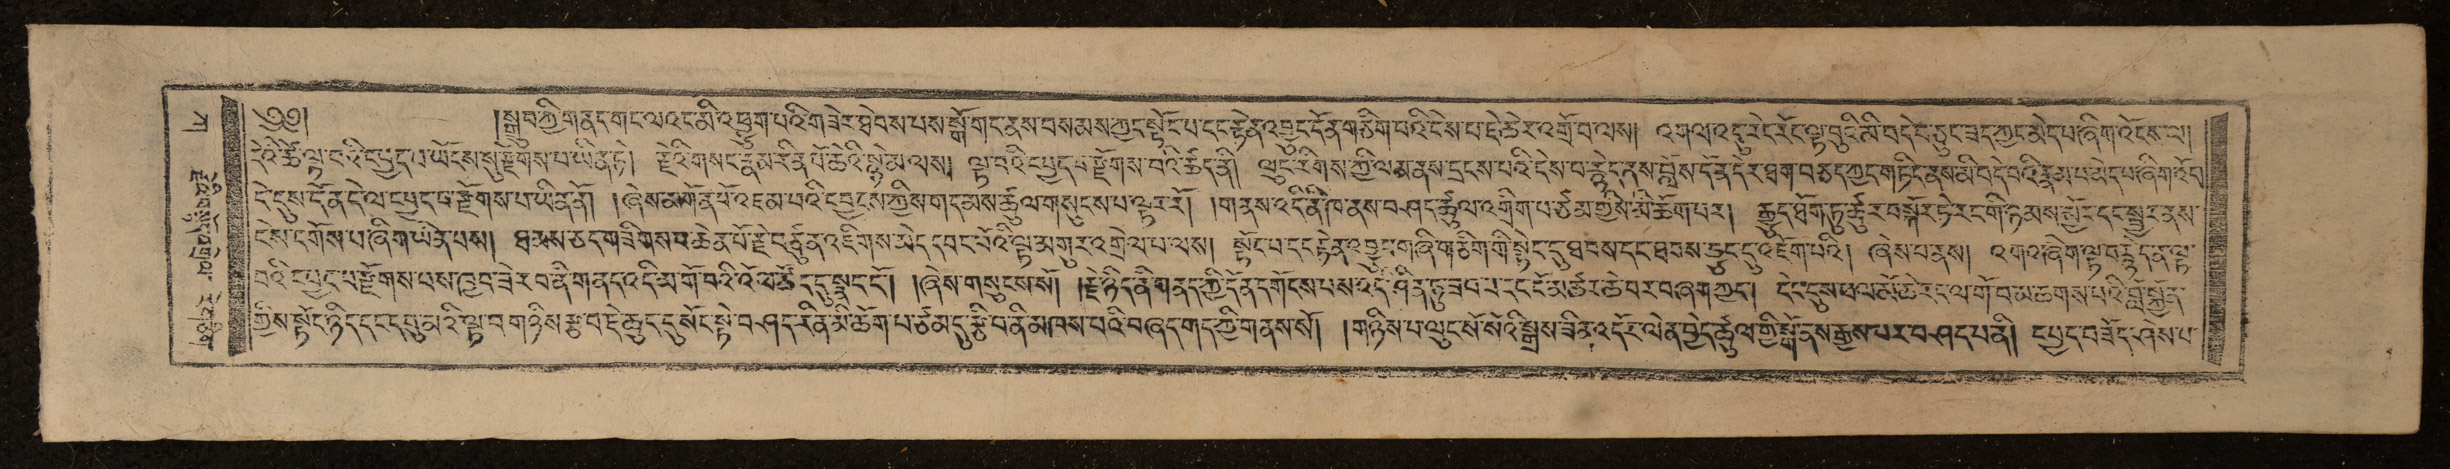༄༅། །སྒྲུབ་ཀྱི་གནད་གང་ལའང་མི་འཕྱུག་པའི་གཟེར་ཐབས་པས་སྒོ་གང་ནས་བསམས་ཀྱང་སྟོང་བ་དང་རྟེན་འབྱུང་དོན་གཅིག་བའི་ངེས་བར་ཆེར་འགྲོ་བ་ལས་འགལ་འདུ་རེང?་རོང?་ལྟ་བུའི་མི་བདེ་བ་ཅུང་ཟད་ཀྱང་མེད་བཞིག་འོངས་ལ། །
དེའི་ཚེ་ལྟ་བའི་དཔྱད་པ་ཡོངས་སུ་རྫོགས་པ་ཡིན་ཏེ། རྗེའི་གསང་རྣམ་རིན་པོ་ཆེའི་སྙེ་མ་ལས། ལྟ་པའི་དཔྱད་པ་རྫོགས་བའི་ཚད་ནི། ལུང་རིགས་ཀྱི་ལམ་ནས་དྲངས་པའི་སེབ་རྙེད་ནས་བློས་དོན་དེར་ཐག་བཅད་ཀྱང་གཏིང་ནས་མི་བདེ་བའི་རྣམ་པ་མེད་བཞིག་འོང་
དེ་དུས་དོན་དེ་ལ་དཔྱད་བ་རྫོགས་པ་ཡིན་ནོ། །ཞེས་མགོན་པོ་འཇམ་པའི་དབྱངས་ཀྱིས་གདམས་ཚུལ་གསུངས་པ་ལྟར་རོ། །གནས་འདི་ནི་ཁ་ནས་བཤད་ཚུལ་འགྲིག་པ་ཙམ་གྱིས་མཆོག་པར། རྒྱུད་ཐོག་ཏུ་ཚུར་བསྐོར་ཏེ་རང་གི་ཉམས་མྱོང་དང་སྦྱར་ནས་
ངེས་དགོས་པ་ཞིག་ཡིན་པས། ཐམས་ཅད་གཟིགས་བ་ཆེན་པོ་རྗེ་བཙུན་འཇིགས་མེད་དབང་པོའི་ལྟ་མགུར་འགྲེལ་བ་ལས། སྟོང་དང་རྟེན་འབྱུང་གཞི་གཅིག་གི་སྟེང་དུ་ཐབས་དང་ཐབས་བྱུང་དུ་འཇོག་བའི། ཞེས་བ་ནས། བཀའ་ཞིག་ལྟ་བ་རྙེད་ན་ལྟ་
བའི་དཔྱད་པ་རྫོགས་པས་ཁྱབ་ཟེར་བ་ནི་གནད་འདི་མགོ་བའི་འོལ་ཚོད་དུ་སྣང་ངོ། །ཞེས་གསུངས་སོ། །རྗེ་ཉིད་ནི་གནད་ཀྱི་དོན་དགོངས་པས་འདི་ཤིན་ཏུ་ཟབ་པ་དང་ངོ་མཚར་ཆེ་བར་བཞག་ཀྱང་། དེང་དུས་ཕལ་མོ་ཆེ་རང་ལ་གོ་བ་མ་ཆགས་པའི་བློ་སྐྱོན་
གྱིས་སྟོང་ཉིད་དང་དབུ་མའི་ལྟ་བུ་གཉིས་ལ་ལྡེ་ཆུང་དུས་ངོ་སྟེ་བཤད་རིན་མི་ཆོག་པ་ཙམ་དུ་རྩིབ་ནི་མཁས་པའི་བཞད་གད་ཀྱི་གནས་སོ། །གཉིས་པ་ལུང་སོ་སོའི་སྒྲས་ཟིན་པ་དོར་ལེན་བྱེད་ཚུལ་གྱི་སྒོ་ནས་རྒྱས་བར་བཤད་པ་ནི། དཔྱད་བཟོད་ཤེས་པ་